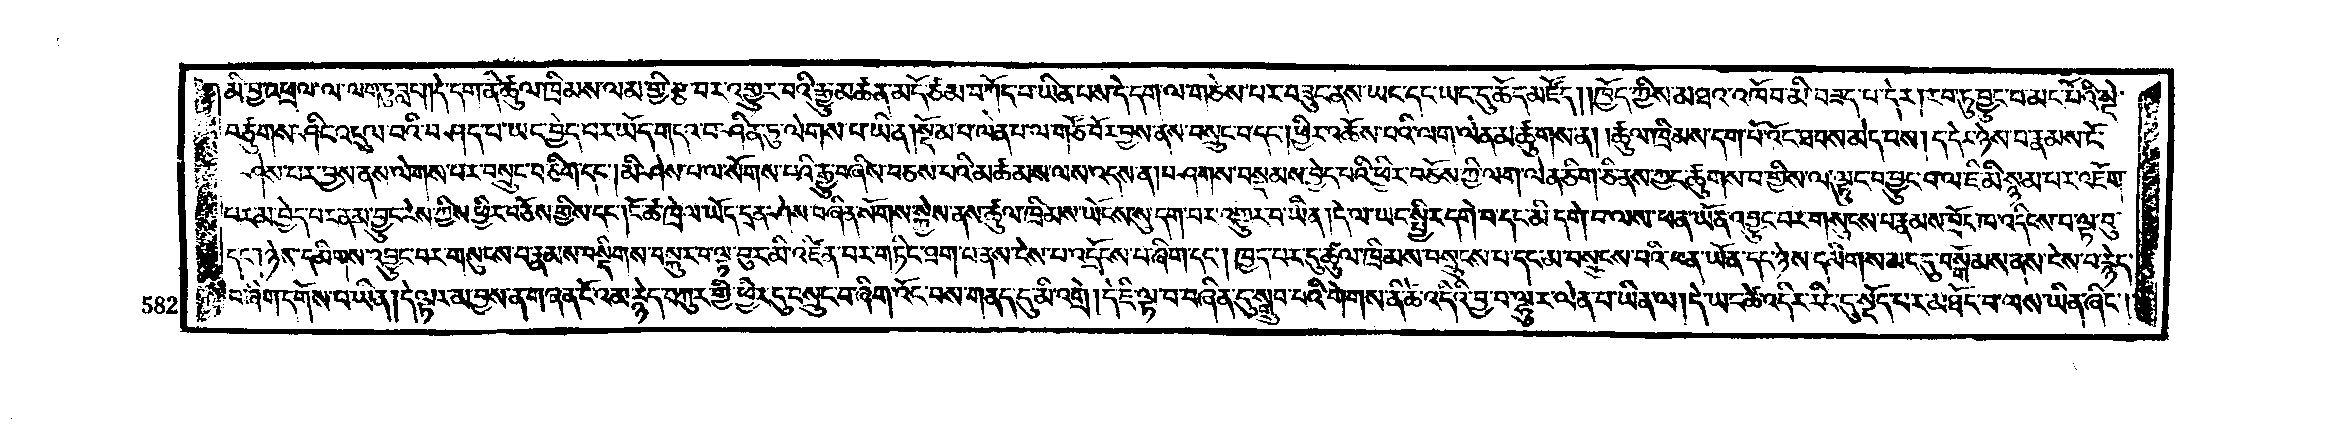མི་བྱ་འཕྲལ་ལ་ལག་ཏུ་བླང་། །དེ་དག་ནི་ཚུལ་ཁྲིམས་ལམ་གྱི་རྩ་བར་འགྱུར་བའི་རྒྱུ་མཚན་མདོ་ཙམ་བཀོད་པ་ཡིན་པས་དེ་དག་ལ་གཅེས་པར་བཟུང་ནས་ཡང་དང་ཡང་དུ་ཆོད་མཛོད། །ཁྱོད་ཀྱིས་མཐའ་འཁོབ་མི་བཟད་པ་དེར། །རབ་ཏུ་བྱུང་བ་མང་པོའི་སྡེ་
གཙུགས་ཤིང་འདུལ་བའི་བཤད་པ་ཡང་བྱེད་པར་ཡོད་གདའ་བ་ཤིན་དུ་ལེགས་པ་ཡིན། །སྡོམ་པ་ལེན་པ་ལ་གཙོ་བོར་བྱས་ནས་བསྲུང་བ་དང་། ཕྱིར་འཆོས་པའི་ལག་ལེན་མ་ཚུགས་ན། །ཚུལ་ཁྲིམས་དག་པོ་འོང་ཐབས་མེད་པས། ད་དེར་ཉེས་པ་རྣམས་ངོ་
ཤེས་པར་བྱས་ནས་ལེགས་པར་བསྲུང་བ་ཅིག་དང་། མི་ཤེས་པ་ལ་སོགས་པའི་རྒྱུ་བཞིས་བཅས་པའི་མཚམས་ལས་འདས་ན། བཤགས་བསྡམས་བྱེད་པའི་ཕྱིར་བཅོས་ཀྱི་ལག་ལེན་ཅིག་ཅི་ནས་ཀྱང་ཚུགས་པ་གྱིས་ལ་ལྟུང་བ་བྱུང་བ་ལ་ཇི་མི་སྙམ་པར་འཇོག་
པར་མ་བྱེད་པས་ནམ་བྱུང་རེས་ཀྱིས་ཕྱིར་བཅོས་གྱིས་དང་། ངོ་ཚ་ཁྲེལ་ཡོད་དྲན་ཤེས་བཞིན་སོགས་སྐྱེས་ནས་ཚུལ་ཁྲིམས་ཡོངས་སུ་དག་པར་འགྱུར་བ་ཡིན། དེ་ལ་ཡང་སྤྱིར་དགེ་བ་དང་མི་དགེ་བ་ལས་ཕན་ཡོན་འབྱུང་བར་གསུངས་པ་རྣམས་གྲོང་ཁ་འདིངས་པ་ལྟ་བུ་
དང་། ཉེས་དམིགས་འབྱུང་བར་གསུངས་པ་རྣམས་བསྡིགས་བསྐུར་བ་ལྟ་བུར་མི་འཛིན་པར་གཏིང་ཐག་པ་ནས་ངེས་པ་འདྲོངས་པ་ཞིག་དང་། ཁྱད་པར་དུ་ཚུལ་ཁྲིམས་བསྲུངས་པ་དང་མ་བསྲུངས་པའི་ཕན་ཡོན་དང་ཉེས་དམིགས་མང་དུ་བསྒོམས་ནས་ངེས་པ་རྙེད་
པ་ཞིག་དགོས་པ་ཡིན། དེ་ལྟར་མ་བྱས་ན་གཞན་ངོ་འམ་རྙེད་བཀུར་གྱི་ཕྱིར་དུ་བསྲུང་བ་ཞིག་འོང་བས་གནད་དུ་མི་འགྲོ། །དེ་ཇི་ལྟ་བ་བཞིན་དུ་སྒྲུབ་པའི་གེགས་ནི་ཚེ་འདིའི་བྱ་བ་ལྷུར་ལེན་པ་ཡིན་ལ། དེ་ཡང་ཚེ་འདིར་རིང་དུ་སྡོད་པར་མཐོང་བ་ལས་ཡིན་ཞིང་